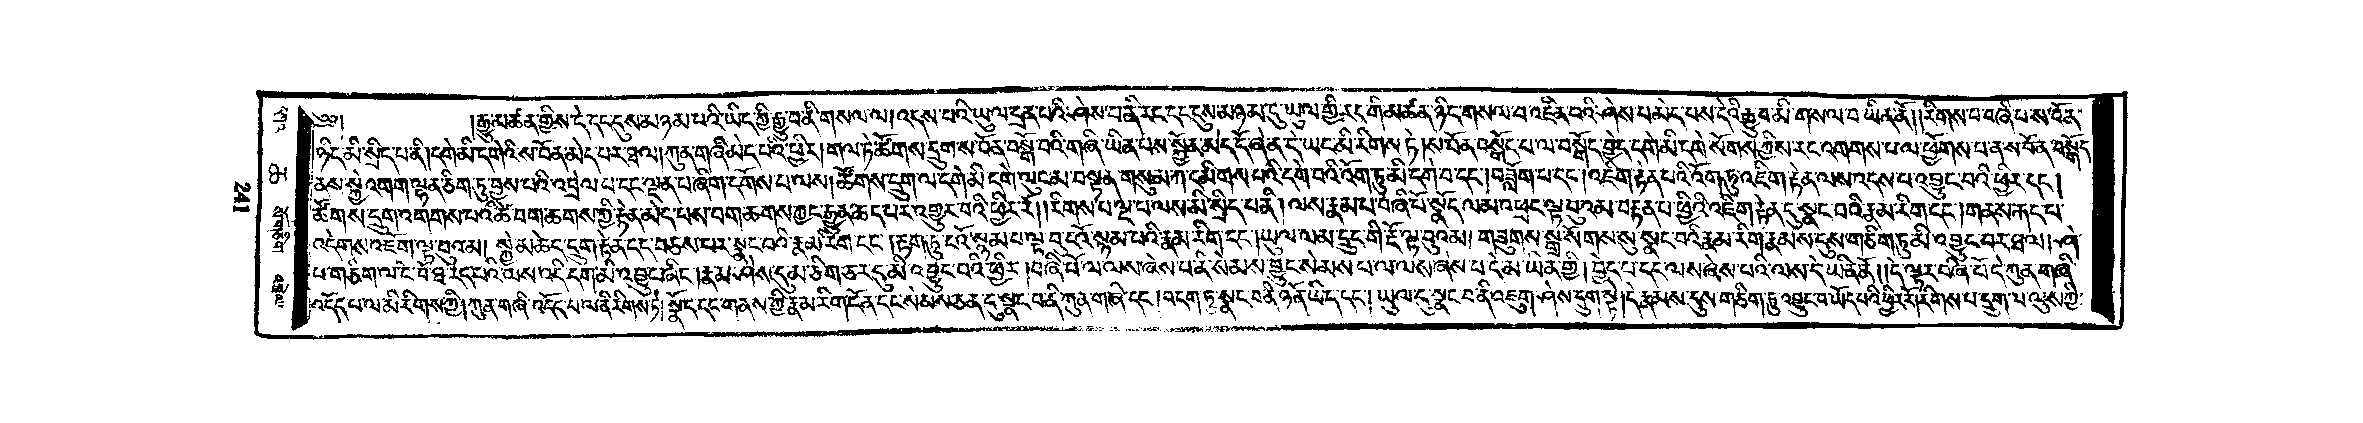༄༅། །རྒྱུ་མཚན་གྱིས་དེ་དང་དུས་མཉམ་པའི་ཡིད་ཀྱི་རྒྱུ་བ་ནི་གསལ་ལ། འདས་པའི་ཡུལ་དྲན་པའི་ཤེས་པ་ནི་རང་དང་དུས་མཉམ་དུ་ཡུལ་གྱི་རང་གི་མཚན་ཉིད་གསལ་བ་འཛིན་བའི་ཤེས་པ་མེད་པས་དེའི་རྒྱུ་བ་མི་གསལ་བ་ཡིན་ནོ། །རིགས་པ་བཞི་པ་ས་བོན་
ཉིད་མི་སྲིད་པ་ནི། དགེ་མི་དགེའི་ས་བོན་མེད་པར་ཐལ། ཀུན་གཞི་མེད་པའི་ཕྱིར། གལ་ཏེ་ཚོགས་དྲུག་ས་བོན་བསྒོ་བའི་གཞི་ཡིན་པས་སྐྱོན་མེད་དོ་ཞེ་ན་དེ་ཡང་མི་རིགས་ཏེ། ས་བོན་བསྒོད་པ་ལ་བསྒོད་བྱེད་དགེ་མི་དགེ་སོགས་ཀྱིས་རང་འགགས་པ་ལ་ཕྱོགས་པ་ན་ས་བོན་བསྒོད་
ནས་སྐྱེ་འགག་ལྷན་ཅིག་ཏུ་བྱས་པའི་འབྲེལ་པ་དང་ལྡན་པ་ཞིག་དགོས་པ་ལས། ཚོགས་དྲུག་ལ་དགེ་མི་དགེ་ལུང་མ་བསྟན་གསུམ་ཀ་དམིགས་པའི་དགེ་བའི་འོག་ཏུ་མི་དགེ་བ་དང་། བཟློག་པ་དང་། འཇིག་རྟེན་པའི་འོག་ཏུ་འཇིག་རྟེན་ལས་འདས་པ་འབྱུང་བའི་ཕྱིར་དང་།
ཚོགས་དྲུག་འགགས་པའི་ཚེ་བག་ཆགས་ཀྱི་རྟེན་མེད་པས་བག་ཆགས་ཀྱང་རྒྱུན་ཆད་པར་འགྱུར་བའི་ཕྱིར་རོ། །རིགས་པ་ལྔ་པ་ལས་མི་སྲིད་པ་ནི། ལས་རྣམ་པ་བཞི་པོ་སྣོད་ལམ་འཕྲད་ལྟ་བུའམ་བརྟན་པ་ཕྱིའི་འཇིག་རྟེན་དུ་སྣང་བའི་རྣམ་རིག་དང་། གནས་རྐང་པ་
འདེགས་འཇོག་ལྟ་བུའམ། སྐྱེ་མཆེད་དྲུག་རྟེན་དད་བཅས་པར་སྣང་བའི་རྣམ་རིག་དང་། རྟག་ཏུ་ངའོ་སྙམ་པ་ལྟ་བུ་ངའོ་སྙམ་པའི་རྣམ་རིག་དང་། ཡུལ་ལམ་དྲུང་གི་རྡོ་ལྟ་བུའམ། གཟུགས་སྒྲ་སོགས་སུ་སྣང་བའི་རྣམ་རིག་རྣམས་དུས་གཅིག་ཏུ་མི་འབྱུང་བར་ཐལ། ཤེ་
པ་གཅིག་ལ་ངོ་བོ་ཐ་དད་པའི་ལས་འདི་དག་མི་འབྱུང་ཞིང་། རྣམ་ཤེས་དུ་མ་ཅིག་ཅར་དུ་མི་འབྱུང་བའི་ཕྱིར། བཞི་པོ་ལ་ལས་ཞེས་པ་ནི་སེམས་བྱུང་སེམས་པ་ལ་ལས་ཞེས་པ་དེ་མ་ཡིན་གྱི། བྱེད་པ་དང་ལས་ཞེས་པའི་ལས་དེ་ཡིན་ནོ། །དེ་ལྟར་བཞི་པོ་དེ་ཀུན་གཞི་
འདོད་པ་ལ་མི་རིགས་ཀྱི། ཀུན་གཞི་འདོད་པ་ལ་ནི་རིགས་ཏེ། སྣོད་དང་གནས་ཀྱི་རྣམ་རིག་དོན་དང་སེམས་ཅན་དུ་སྣང་བ་ནི་ཀུན་གཞི་དང་། བདག་ཏུ་སྣང་བ་ནི་ཉོན་ཡིད་དང་། ཡུལ་དུ་སྣང་བ་ནི་འཇུག་ཤེས་དྲུག་སྟེ། དེ་རྣམས་དུས་གཅིག་ཏུ་འབྱུང་བ་ཡོད་པའི་ཕྱིར་རོ། རིགས་པ་དྲུག་པ་ལུས་ཀྱི་